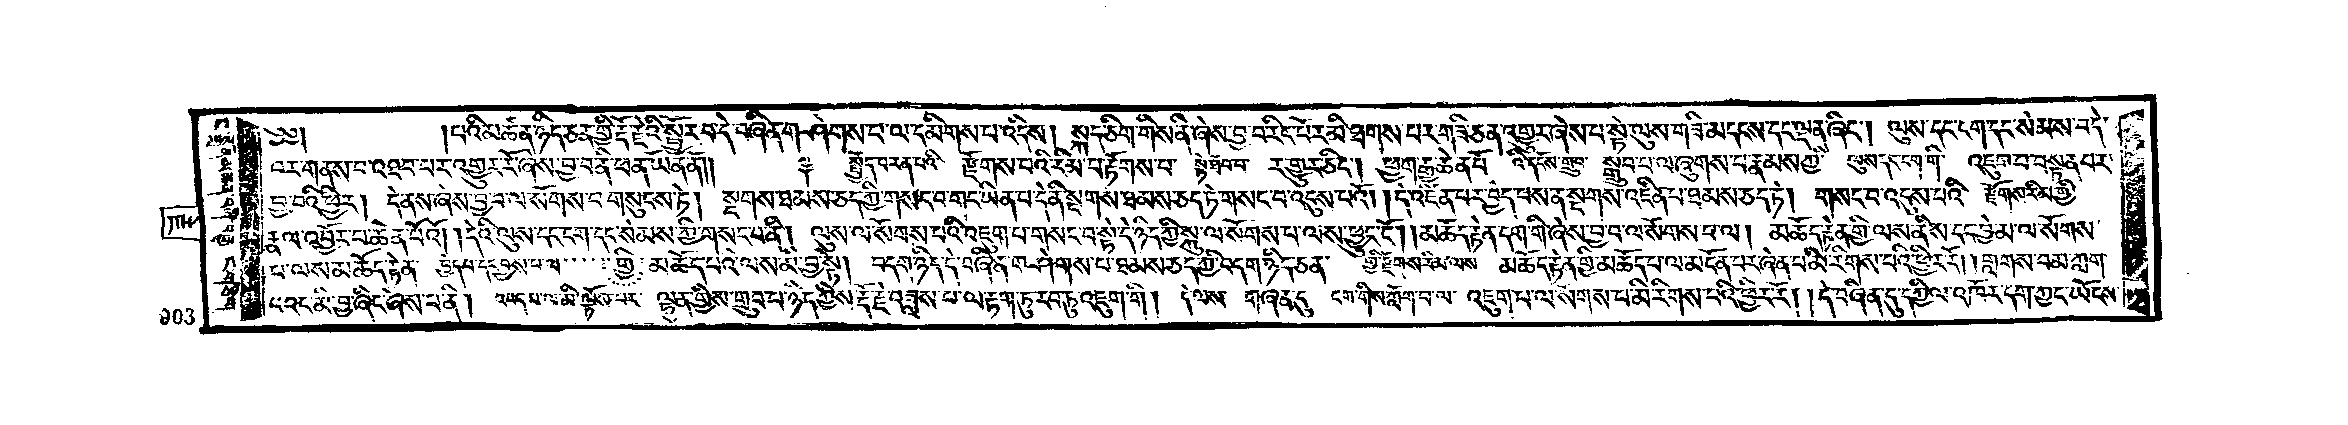༄༅། །པའི་མཚན་ཉིད་ཅན་གྱི་རྡོ་རྗེའི་སྦྱོར་བ་དེ་བཞིན་གཤེགས་པ་ལ་དམིགས་པ་འདིས། སྐད་ཅིག་གིས་ནི་ཞེས་བྱ་བ་རིང་པོར་མི་ཐགས་པར་གཟི་ཅན་འགྱུར་ཞེས་པ་སྟེ་ལུས་གཟི་མདངས་དང་ལྡན་ཞིང་། ལུས་དང་ངག་དང་སེམས་བདེ་
བར་གནས་པ་འཐབ་པར་འགྱུར་རོ་ཞེས་བྱ་བ་ནི་ཕན་ཡོན་ནོ།། ༈ སྤྱོད་པ་རན་པའི་རྫོགས་པའི་རིམ་པ་རྟོགས་པ་སྟེ་ཐོབ་པར་གྱུར་ཅིང་། ཕྱག་རྒྱ་ཆེན་པོའི་དངོས་གྲུབ་སྒྲུབ་པ་ལ་ཞུགས་པ་རྣམས་ཀྱི་ལུས་དང་ངག་གི་འཇུག་པ་བསྟན་པར་
བྱ་བའི་ཕྱིར། དེ་ནས་ཞེས་བྱ་བ་ལ་སོགས་པ་གསུངས་ཏེ། སྔགས་ཐམས་ཅད་ཀྱི་གསང་བ་གང་ཡིན་པ་དེ་ནི་སྔགས་ཐམས་ཅད་ཏེ་གསང་བ་འདུས་པའོ། །དེ་འཛིན་པར་བྱེད་པས་ན་སྔགས་འཛིན་པ་ཐམས་ཅད་ཏེ། གསང་བ་འདུས་པའི་རྫོགས་རིམ་གྱི་
རྣལ་འབྱོར་པ་ཆེན་པོའོ། །དེའི་ལུས་དང་ངག་དང་སེམས་ཀྱི་གསང་བ་ནི། ལུས་ལ་སོགས་པའི་འཇུག་པ་གསང་བ་སྟེ་དེ་ཉིད་ཀྱི་སྐུ་ལ་སོགས་པ་ལས་ཕྱུང་ངོ། །མཆོད་རྟེན་དག་གི་ཞེས་བྱ་བ་ལ་སོགས་པ་ལ། མཆོད་རྟེན་གྱི་ལས་ནི་ས་དང་བྱེ་མ་ལ་སོགས་
པ་ལས་མཆོད་རྟེན་བྱེད་པ་དང་བྱས་པ་ལ་གྱི་མཆོད་པའི་ལས་མི་བྱ་སྟེ། བདག་ཉིད་དེ་བཞིན་གཤེགས་པ་ཐམས་ཅད་ཀྱི་བདག་ཉིད་ཅན་གྱི་རྫོགས་རིམ་ལས་མཆོད་རྟེན་གྱི་མཆོད་པ་ལ་མངོན་པར་ཞེན་པ་མི་རིགས་པའི་ཕྱིར་རོ། །གླགས་བམ་ཀླག་
པའང་མི་བྱ་ཞིང་ཞེས་པ་ནི། འབད་པ་ལ་མི་ལྷོས་པར་ལྷུན་གྱིས་གྲུབ་པ་ཉིད་ཀྱིས་རྡོ་རྗེ་བཟླས་པ་ལ་རྟག་ཏུ་རབ་ཏུ་འཇུག་གི །དེ་ལས་གཞན་དུ་ངག་གིས་ཀློག་པ་ལ་འཇུག་པ་ལ་སོགས་པ་མི་རིགས་པའི་ཕྱིར་རོ། །དེ་བཞིན་དུ་དཀྱིལ་འཁོར་དག་ཀྱང་ཡོངས་